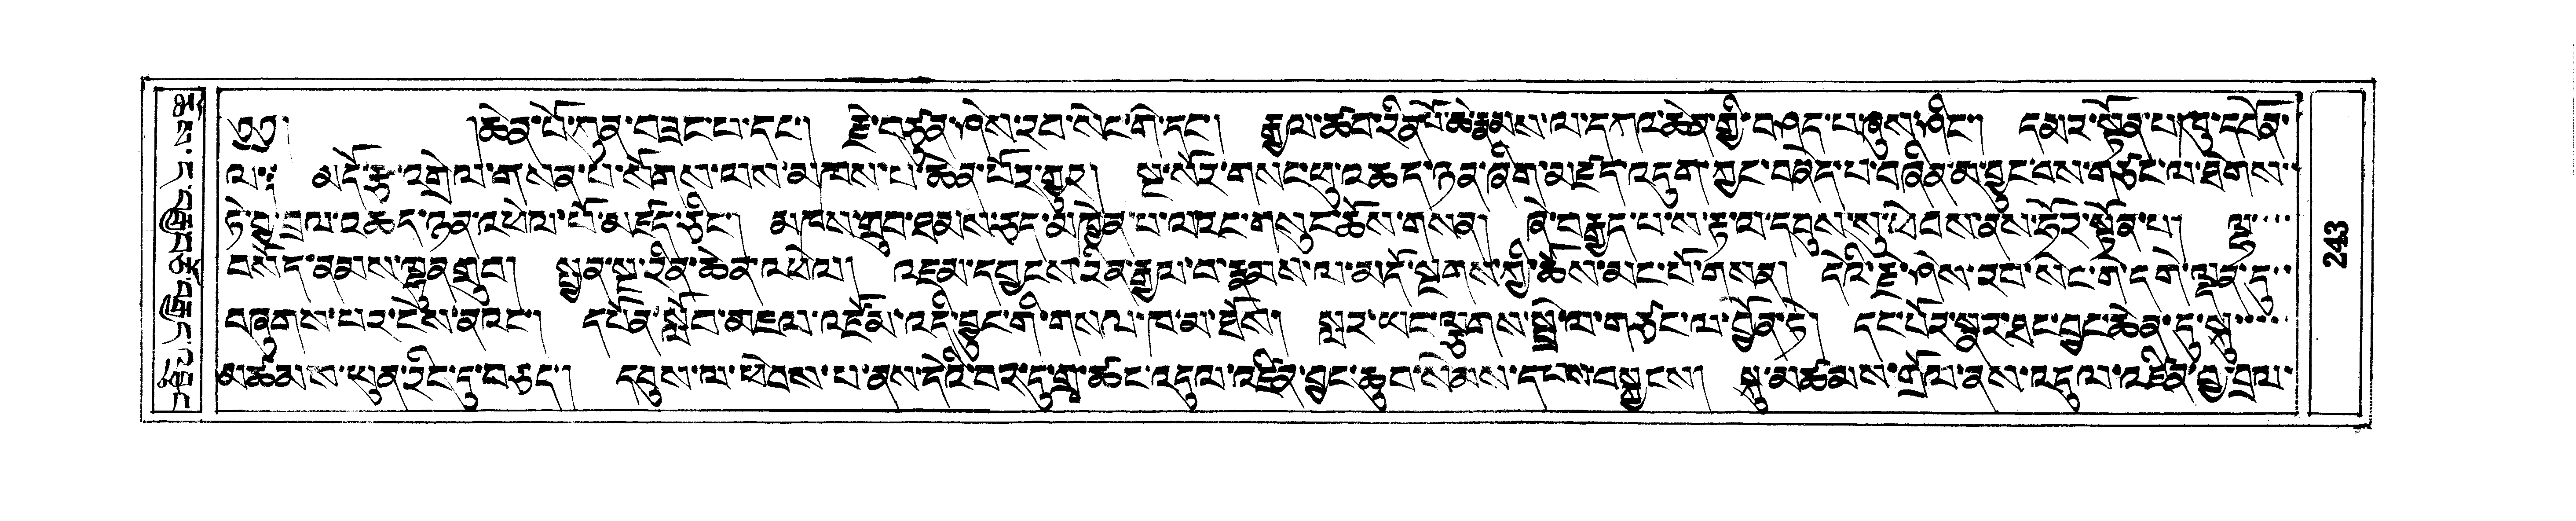༄༅། །ཆེན་པོ་ཀུན་བཟང་པ་དང་། རྗེ་བཙུན་ཤེས་རབ་སེང་གེ་དང་། རྒྱལ་ཚབ་རིན་པོ་ཆེ་རྣམས་ལ་དཀའ་ཆེན་གྱི་བཤད་པ་ཞུས་ཤིང་། དམར་སྟོན་པ་ཁུ་དབོན་
ལ༑ མདོ་རྩ་འགྲེལ་གསན་པ་སོགས་ལས་མཁས་པ་ཆེན་པོར་གྱུར། སྔ་སོར་གསང་ཕུ་འཆད་ཉན་ཞིག་མཛད་འདུག་ཀྱང་བཞེད་པ་བཞིན་མ་བྱུང་བས་གཙང་ལ་ཐེགས་
ཏེ་བྱ་བྲལ་འཆད་ཉན་འཕེལ་པོ་མཛད་ཅིང་། མཁས་གྲུབ་ཐམས་ཅད་མཁྱེན་པ་ལའང་གསུང་ཆོས་གསན། ཞེ་བརྒྱད་པ་ས་རྟ་ལ་དབུས་སུ་ཕེབས་ནས་ཧོར་སྟོན་པ། ལྷ་
བསོད་ནམས་ལྷུན་གྲུབ། སྤྱན་སྔ་རིན་ཆེན་འཕེལ། འཇམ་དབྱངས་རིན་རྒྱལ་བ་རྣམས་ལ་མདོ་སྔགས་ཀྱི་ཆོས་མང་པོ་གསན། དེའི་རྗེ་ཤེས་རབ་སེང་གེ་དགེ་ལྡན་དུ་
བཞུགས་པར་ངེས་ནའང་། དཔོན་སློབ་མཇལ་འཛོམ་འདི་བྱུང་གི་གསལ་ཁ་མ་ཐོས། སླར་ཡང་ལྕགས་སྤྲེ་ལ་གཙང་ལ་བྱོན་ཏེ། དང་པོར་སྣར་ཐང་བྱང་ཆེན་དུ་སྐུ་
མཚམས་ཡུན་རིང་དུ་བཅད། དབུས་ལ་ཕེབས་པ་ནས་དེའི་བར་དུ་གྲྭ་ཚང་འདུལ་འཛིན་བྱང་ཆུབ་སེམས་དཔས་བསྐྱངས། སྐུ་མཚམས་གྲོལ་ནས་འདུལ་འཛིན་བྱ་བྲལ་